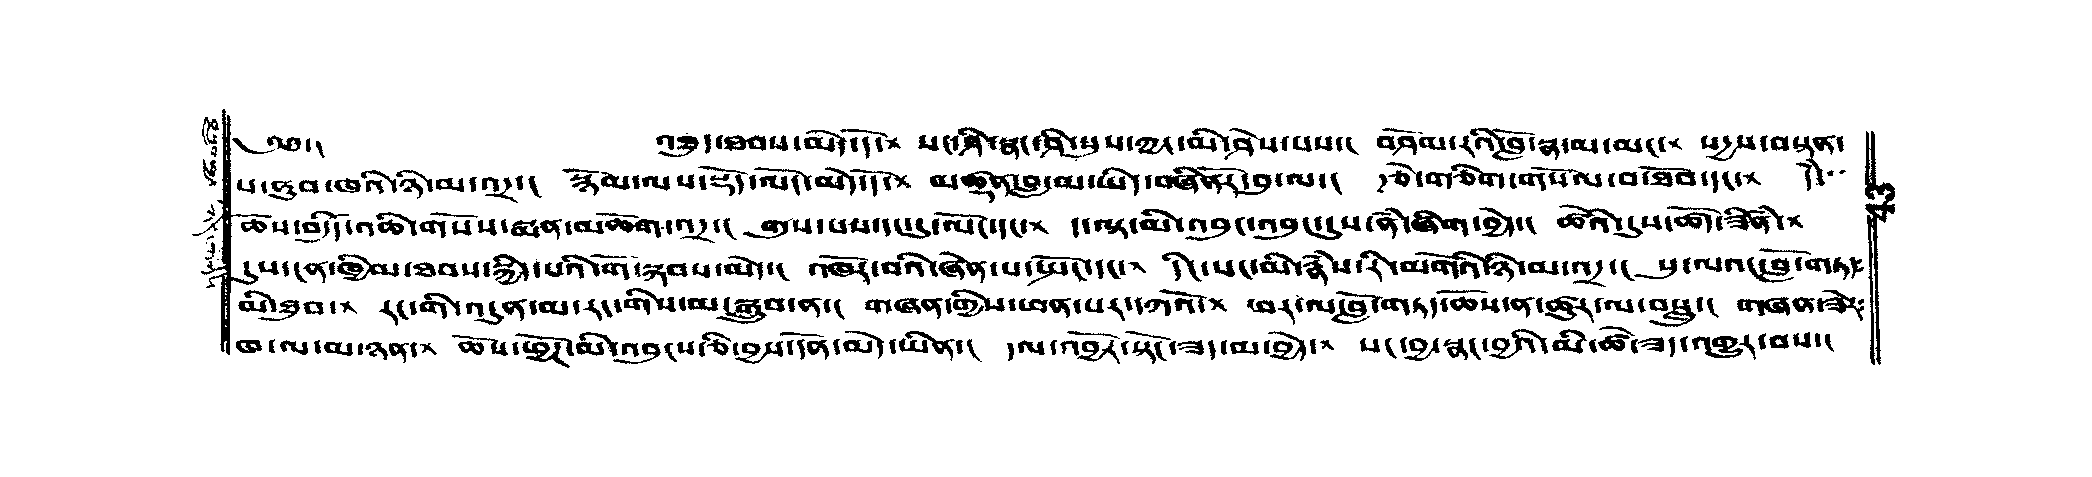འཐུད་ཐབས་མེད་དོ་ཤེས་ལྡན་རྣམས། །སང་ཤི་གནངས་ཤི་སུས་ཀྱང་མི་ཤེས་པས། །བཤོམ་རའི་བློ་སྣ་མ་མང་ཤེས་ལྡན་རྣམས། །སངས་རྒྱས་བསྟན་
པ་ནུབ་ཁའི་ཉི་མ་འདྲ། །སྙོམ་ལས་སྡོད་ལོང་མེད་དོ་ཤེས་ལྡན་རྣམས། །མཚན་ལྡན་བླ་མ་ཡིད་བཞིན་ནོར་བུ་ལ། །རྩེ་གཅིག་གསོལ་བ་ཐོབ་དང་ཤེས་ལྡན་རྣམས། །དམ་
ཚིག་བདུད་རྩི་འཆི་གསོས་སྨན་མཆོག་འདྲ། །གུས་པས་དང་དུ་ལོངས་དང་ཤེས་ལྡན་རྣམས། །ད་ལྟ་མི་འབུང་འབུང་དུས་ནམ་ཞིག་བྱེད། །ཚེ་ཡི་དུས་ཚོད་ཟིན་ནམ་ཤེས་ལྡན་རྣམས། །
དུད་ངན་ཁྱིམ་ཐབས་སྐྱིད་པའི་གོ་སྐབས་མེད། །འཁོར་བའི་ཞེན་པ་སྤོངས་དང་ཤེས་ལྡན་རྣམས། །དིང་སང་མི་རྣམས་རི་འགོའི་ཉི་མ་འདྲ། །སུ་ལའང་བློ་གཏད་
མི་ཐུབ་ཤེས་ལྡན་རྣམས། །རང་གི་འདུན་མ་རང་གིས་མ་སྒྲུབ་ན། །གཞན་གྱིས་ཕན་པར་དཀའ་འོ་ཤེས་ལྡན་རྣམས། །ཕར་ལ་བློ་གཏད་ཆོས་ན་ཚུར་ལ་བསླུ། །གཞན་ཟེར་
ཁ་ལ་མ་ཉན་ཤེས་ལྡན་རྣམས། །ཆོས་ཕྱོགས་མི་འབུངས་ཅི་བྱས་དོན་མེད་ཡིན། །དལ་འབྱོར་སྟོང་ཟད་མ་བྱེད་ཤེས་ལྡན་རྣམས། །སང་བྱེད་གནངས་བྱེད་མི་ཚེ་ཟད་འགྱུར་བས།